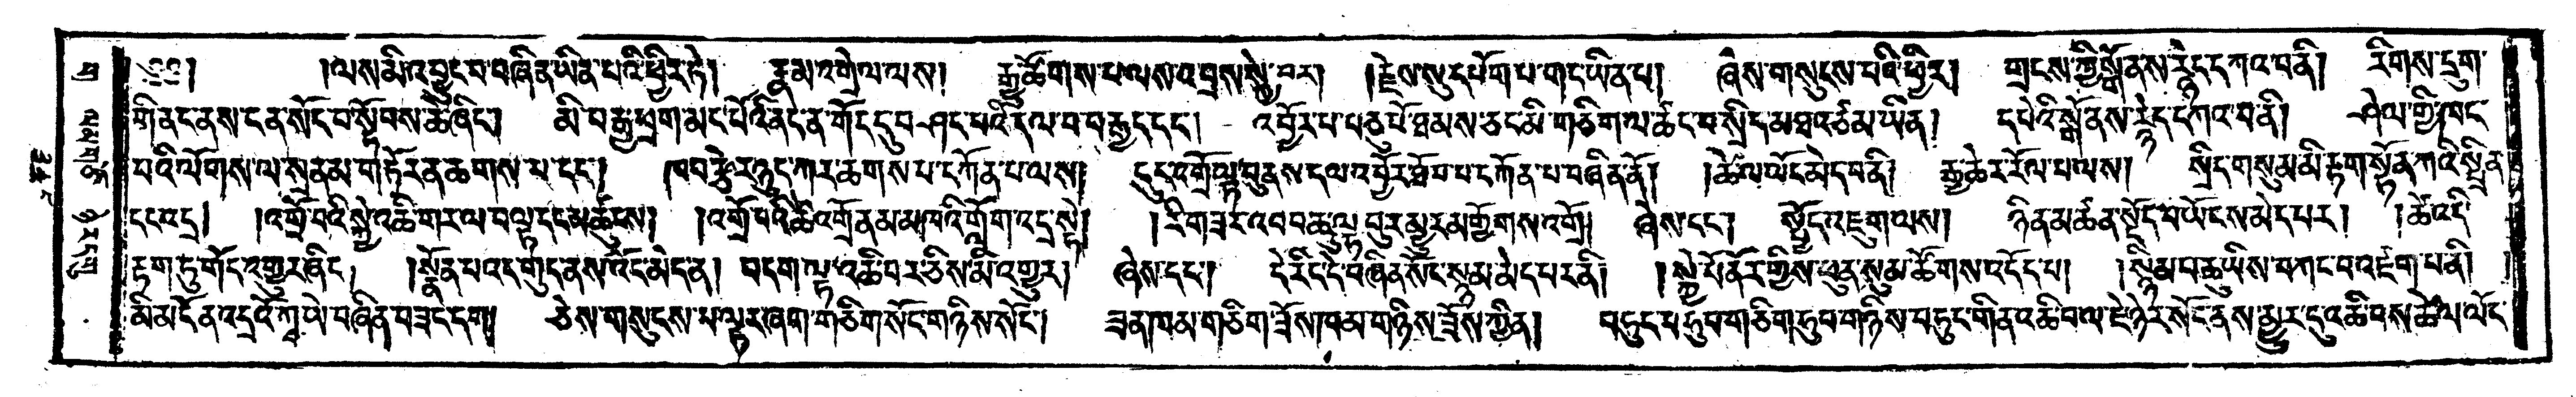༄༅། །ལས་མི་འབྱུང་བ་བཞིན་ཡིན་པའི་ཕྱིར་ཏེ། རྣམ་འགྲེལ་ལས། རྒྱུ་ཚོགས་པ་ལས་འབྲས་སྐྱེ་བར། །རྗེས་སུ་དཔོག་པ་གང་ཡིན་པ། ཞེས་གསུངས་པའི་ཕྱིར། གྲངས་ཀྱི་སྒོ་ནས་རྙེད་དཀའ་བ་ནི། རིགས་དྲུག་
གི་ནང་ནས་ངན་སོང་བ་སྟོབས་ཆེ་ཞིང་། མི་བརྒྱ་ཕྲག་མང་པོའི་ནང་ན་གོང་དུ་བཤད་པའི་དལ་བ་བརྒྱད་དང་། འབྱོར་པ་བཅུ་པོ་ཐམས་ཅད་མི་གཅིག་ལ་ཚང་བ་སྲིད་མཐའ་ཙམ་ཡིན། དཔེའི་སྒོ་ནས་རྙེད་དཀའ་བ་ནི། ཤེལ་གྱི་ཁང་
པའི་ལོགས་ལ་སྲན་མ་གཏོར་ན་ཆགས་པ་དང་། ཁབ་རྩེར་ཉུང་ཀར་ཆགས་པ་དཀོན་པ་ལས། དུང་འགྲོ་ལྟ་བུ་ནས་དལ་འབྱོར་ཐོབ་པ་དཀོན་པ་བཞིན་ནོ། །ཚེ་ལ་ལོང་མེད་བ་ནི། རྒྱ་ཆེར་རོལ་པ་ལས། སྲིད་གསུམ་མི་རྟག་སྟོན་ཀའི་སྤྲིན་
དང་འདྲ། །འགྲོ་བའི་སྐྱེ་འཆི་གར་ལ་བལྟ་དང་མཚུངས། །འགྲོ་བའི་ཚེ་འགྲོ་ནམ་མཁའི་གློག་འདྲ་སྟེ། །རི་གཟར་འབབ་ཆུ་ལྟ་བུར་མྱུར་མགྱོགས་འགྲོ། ཞེས་དང་། སྤྱོད་འཇུག་ལས། ཉིན་མཚན་སྡོད་པ་ཡོངས་མེད་པར། །ཚེ་འདི་
རྟག་ཏུ་གོང་འགྱུར་ཞིང་། །སྣོན་པའང་གུད་ནས་འོང་མེད་ན། བདག་ལྟ་འཆི་བར་ཅིས་མི་འགྱུར། ཞེས་དང་། དེ་རིང་དེ་བཞིན་སོང་སྙམ་མེད་པར་ནི། །སྐྱེ་པོ་ནོར་གྱིས་ཕུན་སུམ་ཚོགས་འདོད་པ། །སྙིམ་པ་ཆུ་ཡིས་བཀང་བ་འཛག་པ་ནི། །
མི་མངོན་འདྲའོ་ཀྭ་ཡེ་བཞིན་བཟང་དག། ཅེས་གསུངས་པ་ལྟར་ཞག་གཅིག་སོང་གཉིས་སོང་། ཟན་ཁམ་གཅིག་ཟོས་ཁམ་གཉིས་ཟོས་ཀྱིན། བཏུང་བ་ཧུབ་གཅིག་ཧུབ་གཉིས་བྷུང་གིན་འཆི་བ་ལ་ཇེ་ཉེར་སོང་ནས་མྱུར་དུ་འཆི་བས་ཚེ་ལ་ལོང་